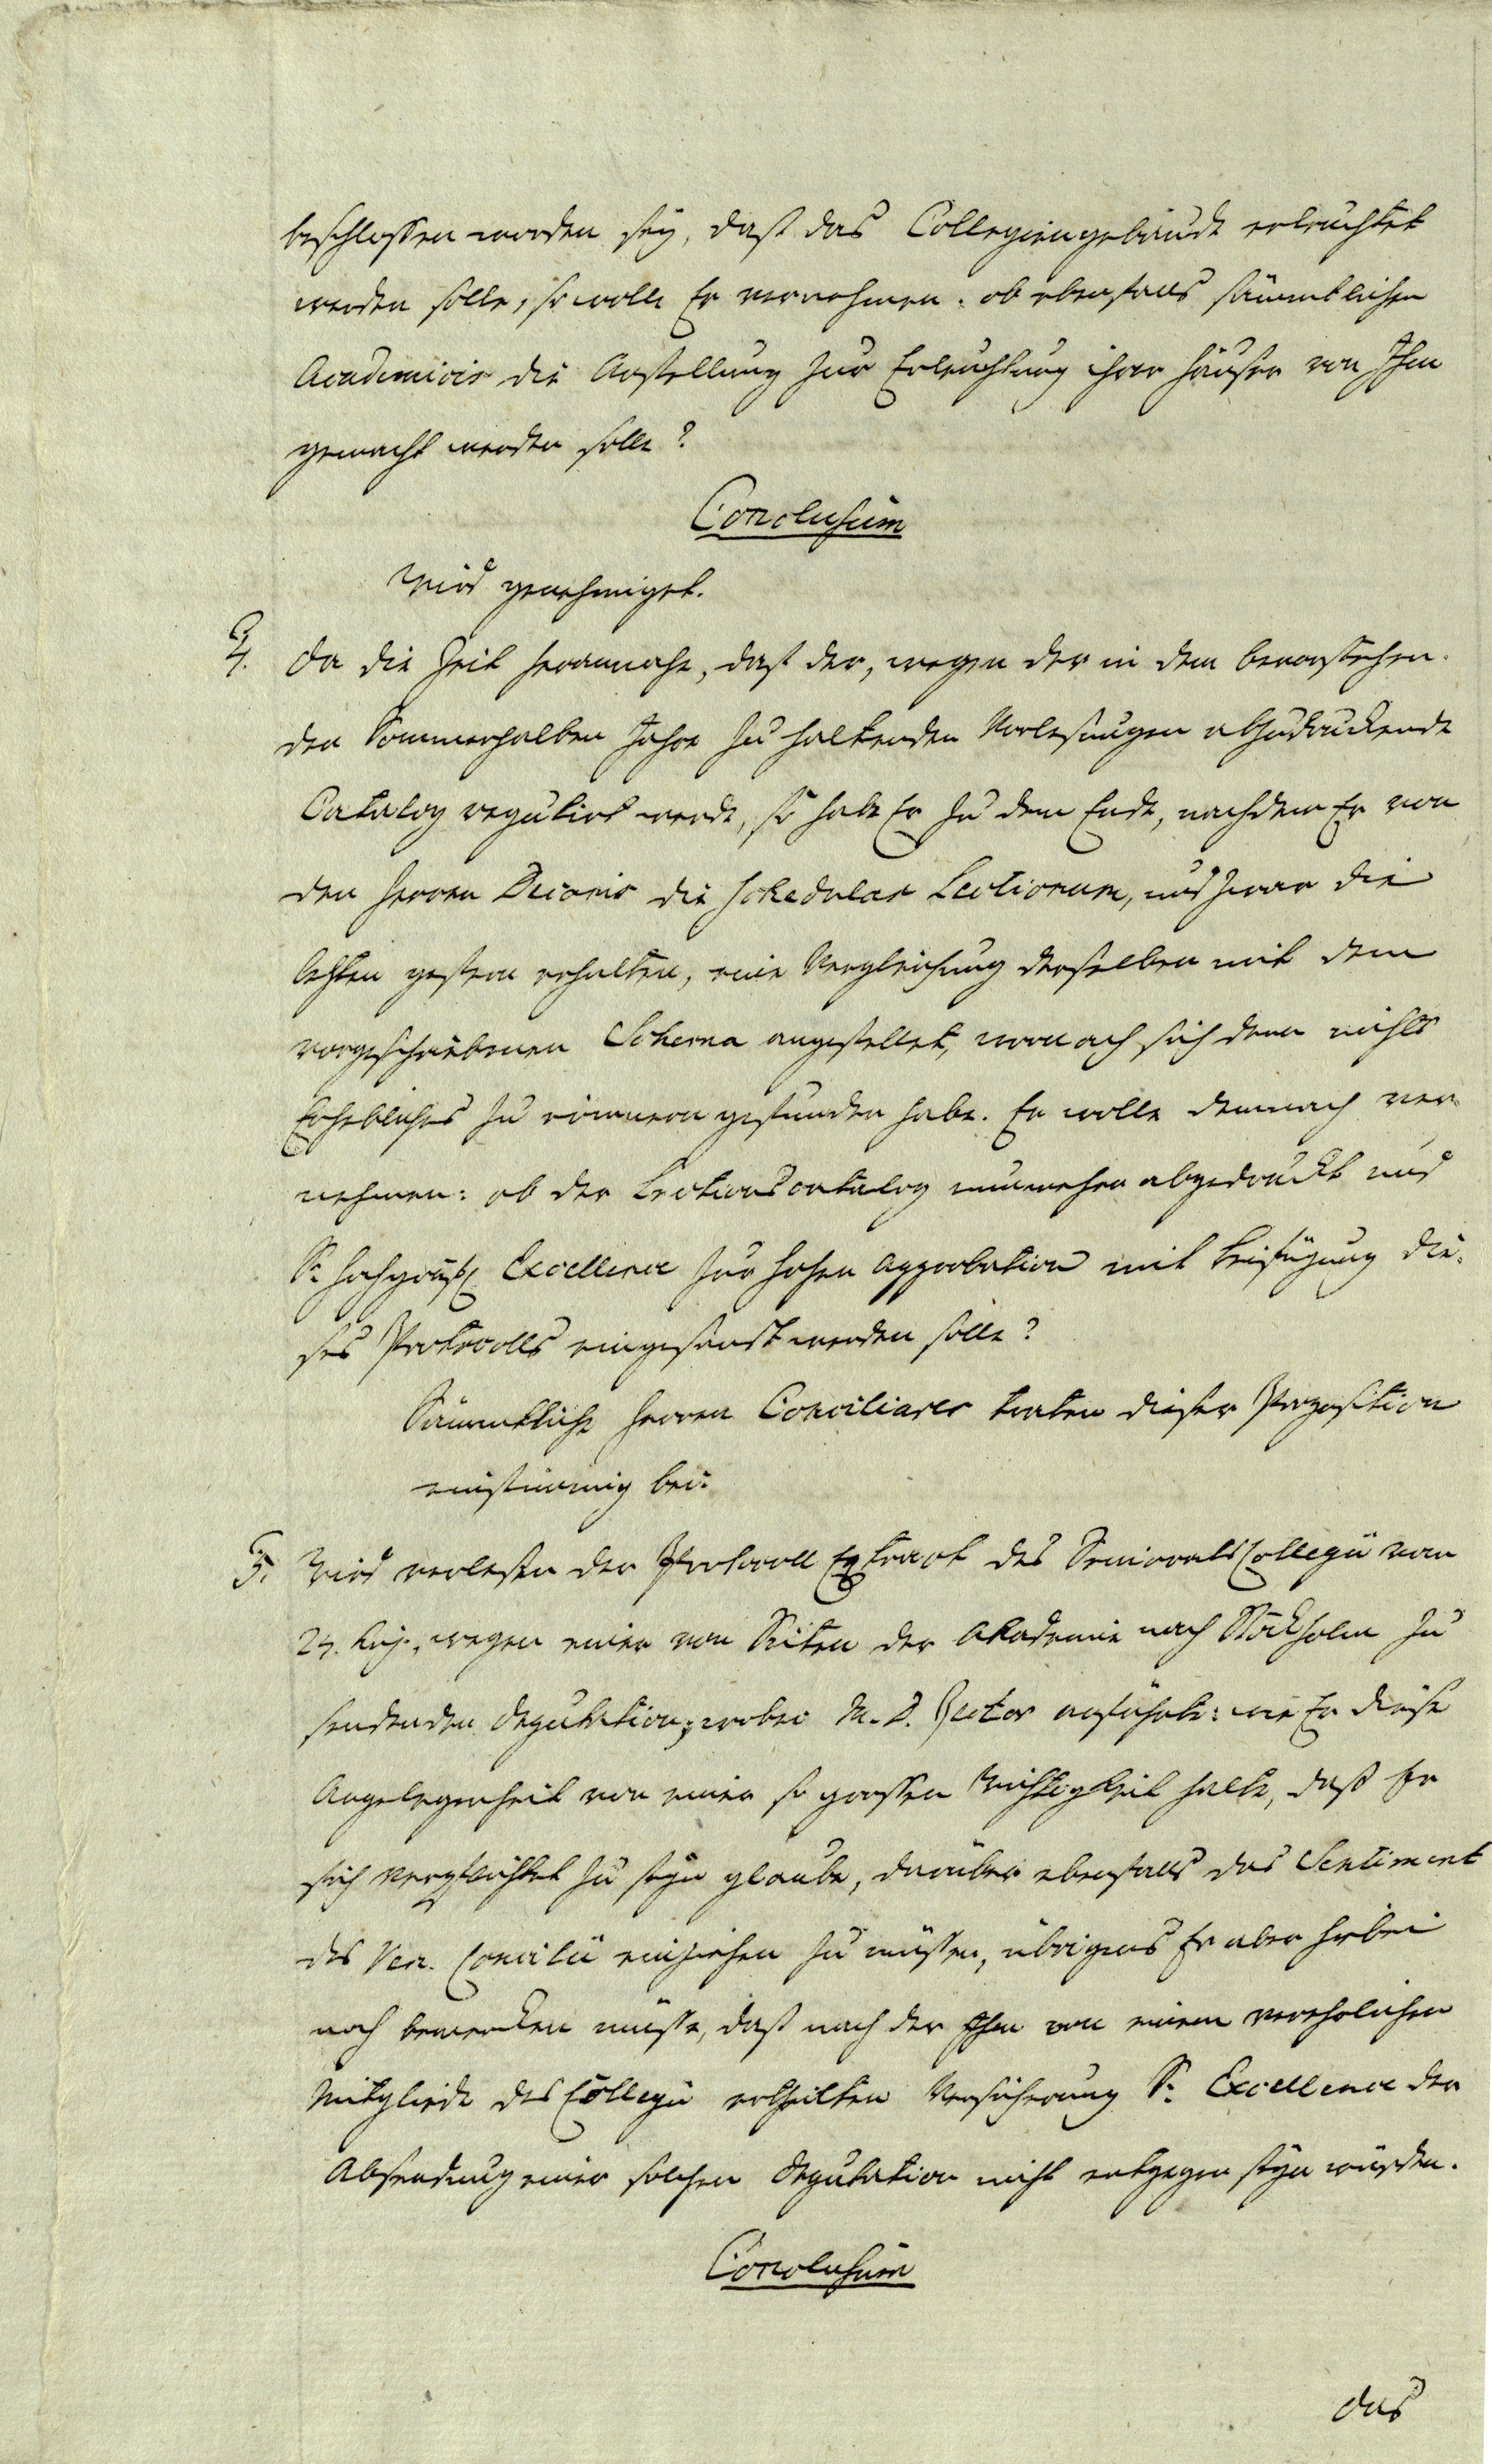beschlossen worden seÿ, daß das Collegiengebäude erleuchtet
werden solle, so wolle Er vernehmen, ob ebenfalls sämmtlichen
Academicis die Anstellung zur Erleuchtung ihrer Häuser von Ihm
gemacht werden solle?
Conclusum
Wird genehmiget.
4. Da die Zeit herannahe, daß der, wegen der in dem bevorstehen¬
den Sommerhalben Jahre zu haltenden Vorlesungen abzudruckende
Catalog reputirt werde, so habe Er zu dem Ende, nachdem Er von
den Herren Decanis die Schedular Lectionum, und zwar die
letzten gestern erhalten, eine Vergleichung derselben mit dem
vorgeschriebenen Schema angestellet, wornach sich denn nichts
Erhebliches zu erinnern gefunden habe. Er wolle demnach ver¬
nehmen: ob der Lectionscatalog nunmehro abgedruckt und
Sr Hochgräfl. Excellence zur hohen Approbation mit Beifügung die¬
ses Protocolls eingesandt werden solle?
Sämmtliche Herren Conciliares traten dieser Proposition
einstimmig bei.
5., Wird verlesen der Protocoll Extract des SenioratsCollegii vom
24. huj, wegen einer von Seiten der Akademie nach Stockholm zu
sendenden Deputation, wobei M. D. Rector anführte: wie Er diese
Angelegenheit von einer so grossen Wichtigkeit halte, daß Er
sich verpflichtet zu seÿn glaube, darüber ebenfalls das Sentiment
des Ven. Concilii einziehen zu müssen, übrigens Er aber hiebei
noch bemercken müsse, daß nach der Ihm von einem verehrlichen
Mitgliede des Collegii ertheilten Versicherung Sr. Excellence der
Absendung einer solchen Deputation nicht entgegen seÿn würden.
Conclusum
das